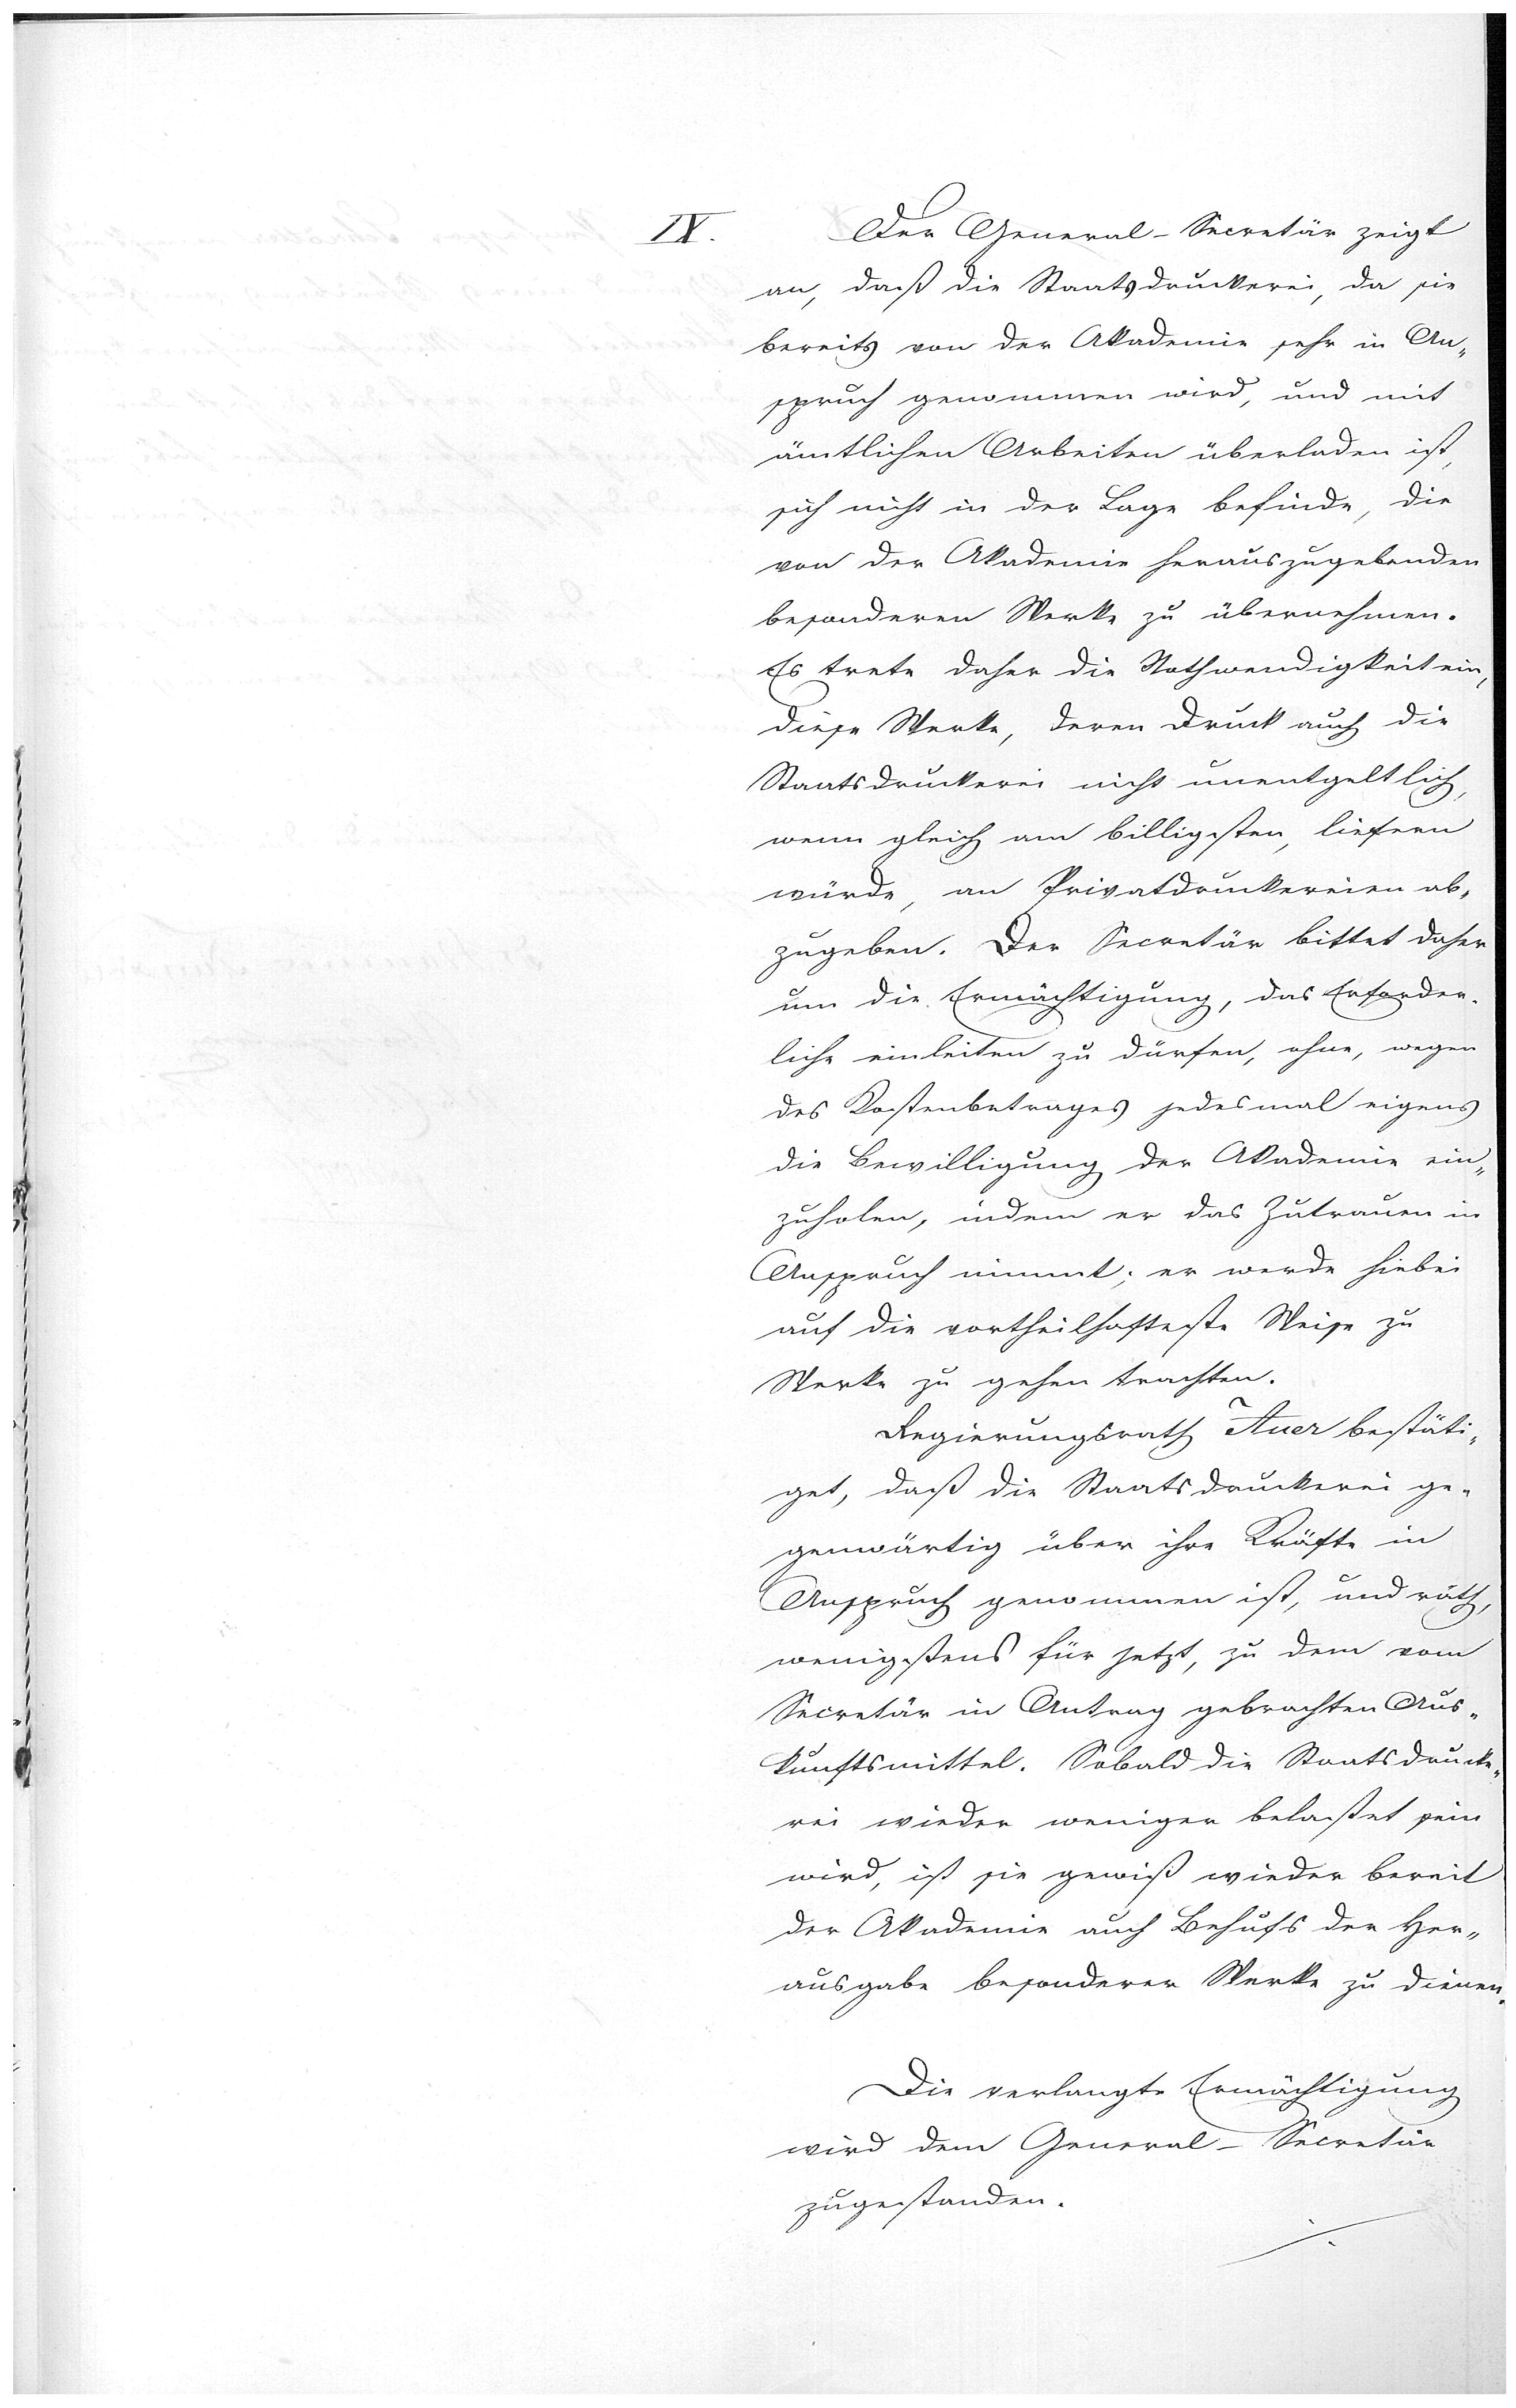Der General-Secretär zeigt
an, daß die Staatsdruckerei, da sie
bereits von der Akademie sehr in An-
spruch genommen wird, und mit
ämtlichen Arbeiten überladen ist,
sich nicht in der Lage befinde, die
von der Akademie herauszugebenden
besonderen Werken zu übernehmen.
Es trete daher die Nothwendigkeit ein,
diese Werken, deren Druck auch die
Staatsdruckerei nicht unentgeltlich,
wenn gleich am billigsten, liefern
würde, an Privatdruckereien ab-
zugeben. Der Secretär bittet daher
um die Ermächtigung, das Erforder-
liche einleiten zu dürfen, ohne, wegen
des Kostenbetrages jedesmal eigens
die Bewilligung der Akademie ein-
zuholen, indem er das Zutrauen in
Anspruch nimmt; er werde hiebei
auf die vortheilhafteste Weise zu
Werken zu gehen trachten.
IX.
Regierungsrath Auer bestäti-
get, daß die Staatsdruckerei ge-
genwärtig über ihre Kräfte in
Anspruch genommen ist, und räth,
wenigstens für jetzt, zu dem vom
Secretär in Antrag gebrachten Aus-
kunftsmittel. Sobald die Staatsdruck-
ren wieder weniger belastet sein
wird, ist sie gewiß wieder bereit
der Akademie auch Behufs der Her-
ausgabe besonderer Werke zu dienen.
Die verlangte Ermächtigung
wird dem General-Secretär
zugestanden.